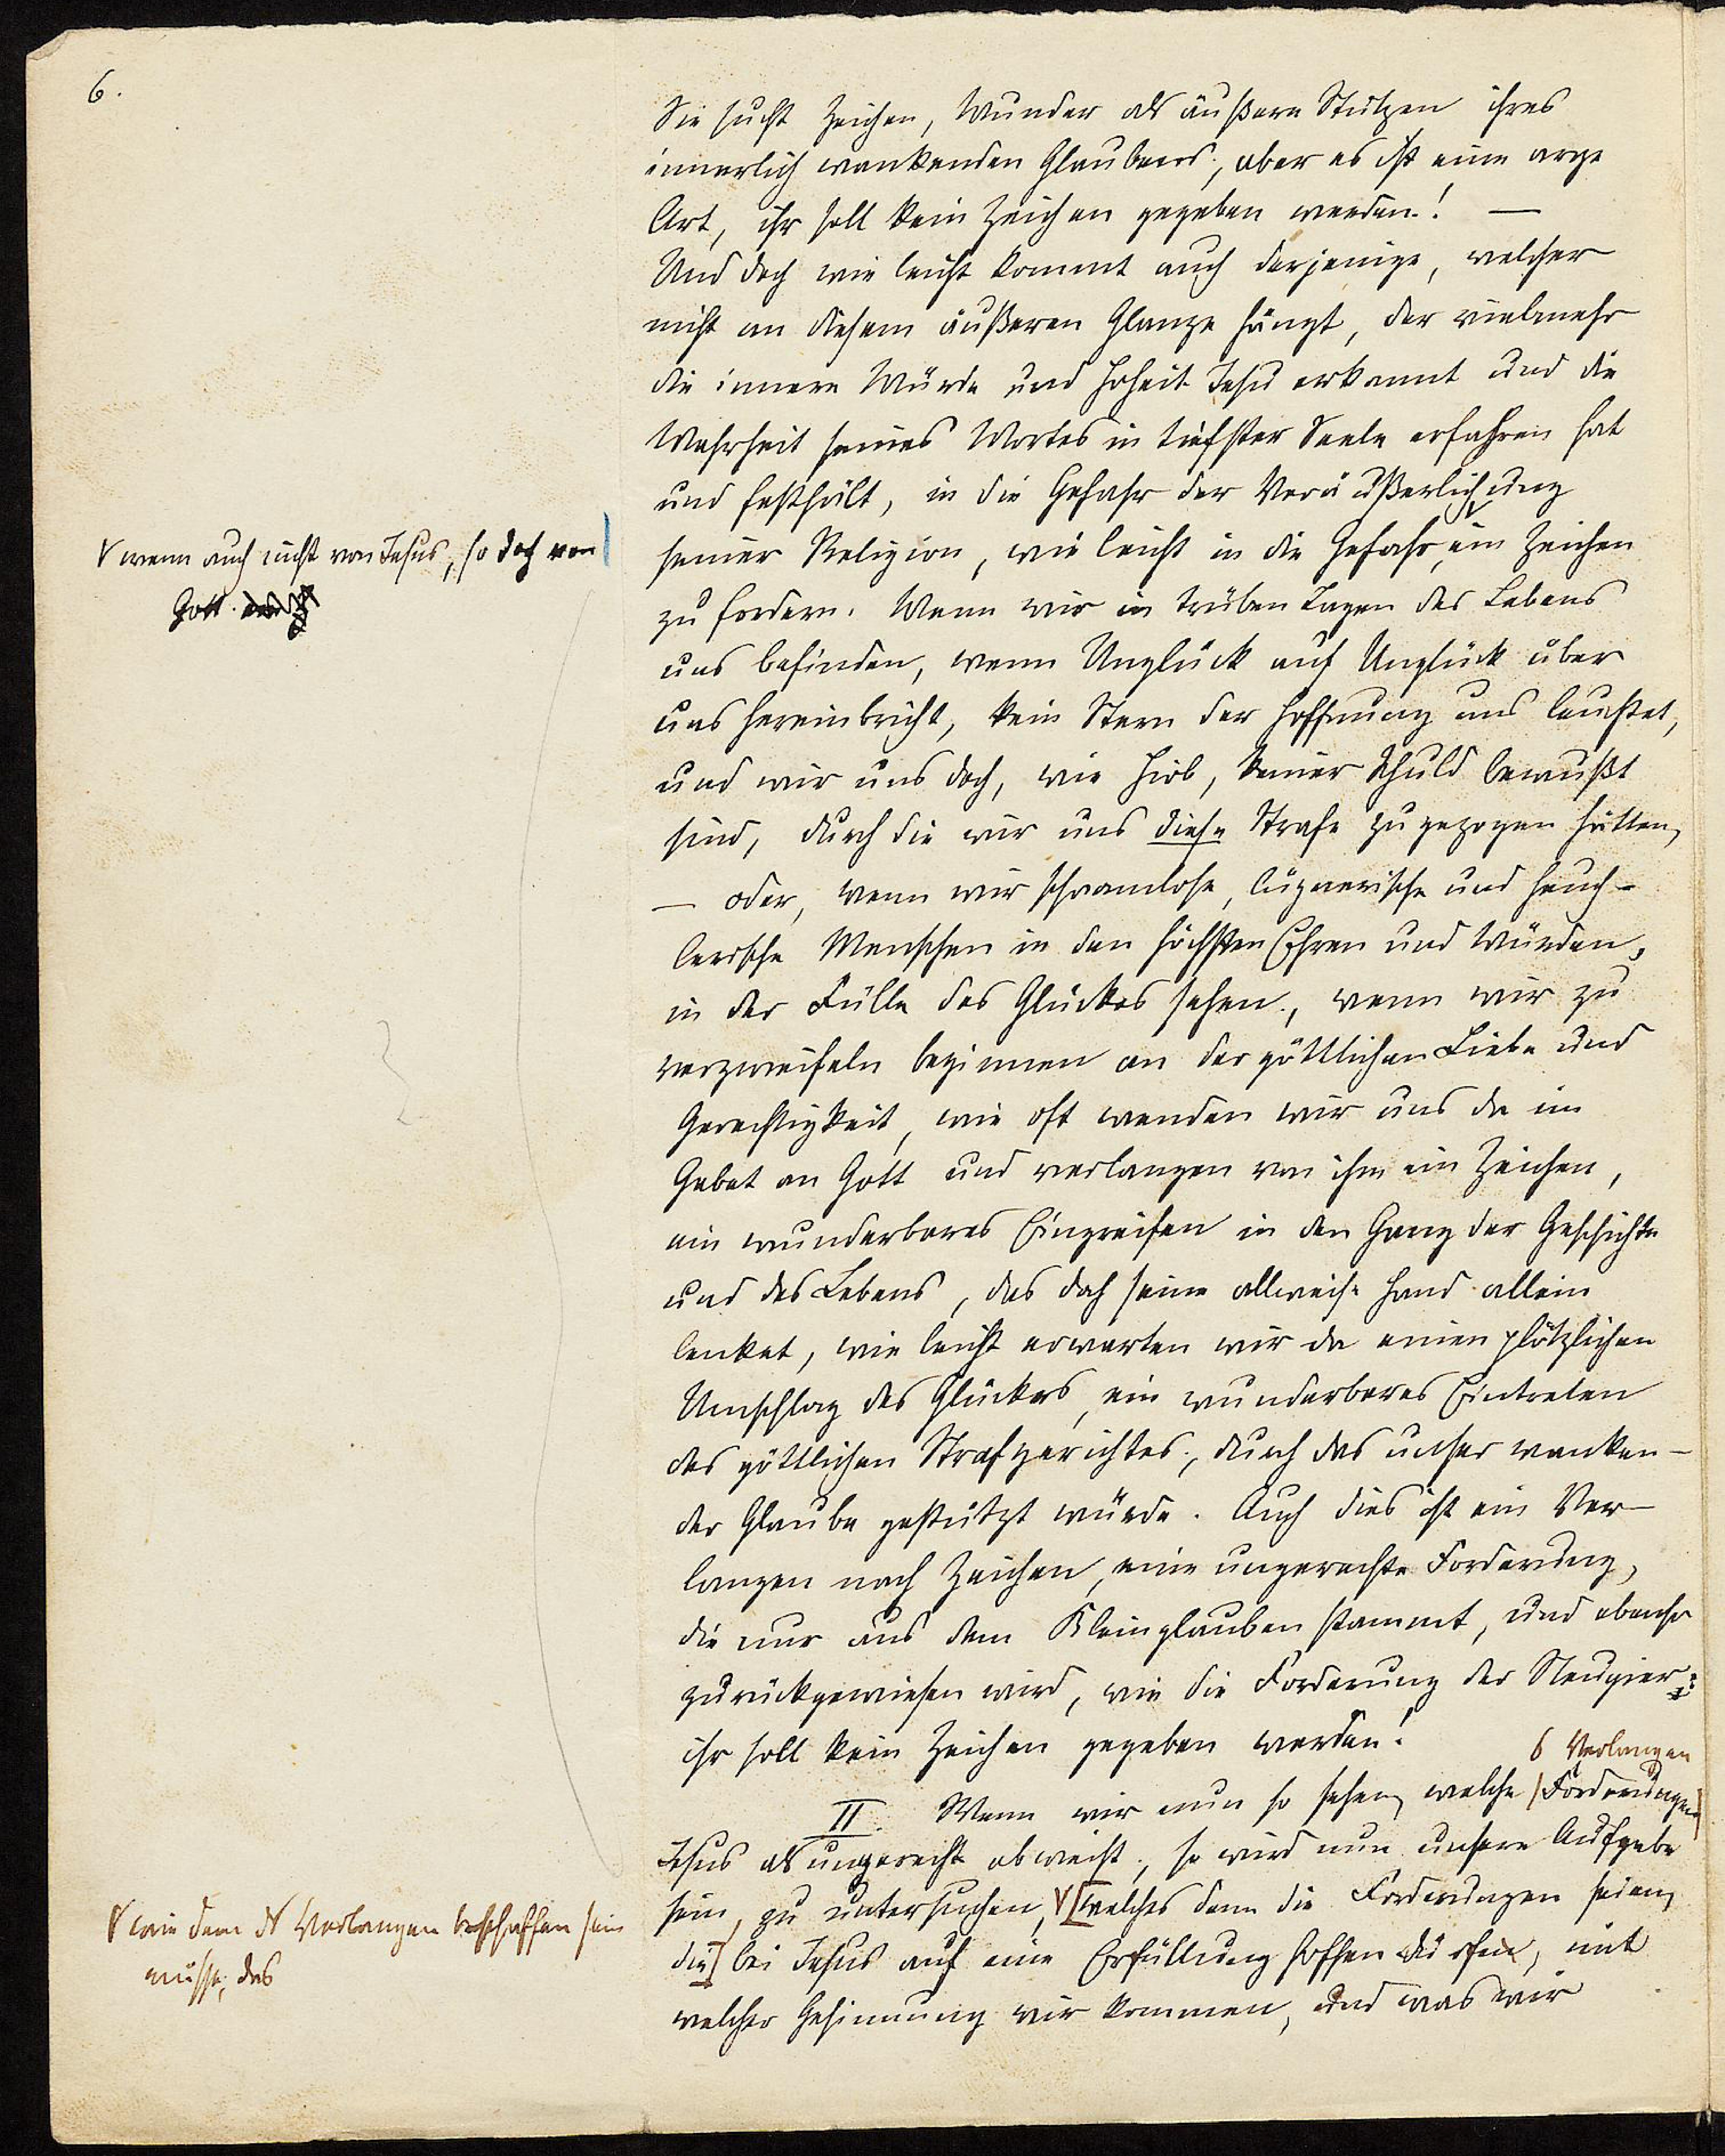6.
V wenn auch nicht von Jesus, so doch von
Gott ein Z
V wie dem d Verlangen beschaffen sein
müste, das
Sie sucht Zeichen, Wunder als äußere Stützen ihres
innerlich wankenden Glaubens, aber es ist eine vage
_
Art, ihr soll kein Zeichen gegeben werden.
Und doch wie leicht kommt auf derjenige, welcher
nicht an diesem äußeren Glanze hängt, der vielmehr
die innere Würde und Hoheit Jesu erkannt und die
Wahrheit seines Wortes in tiefster Seele erfahren hat
und festhält, in die Gefahr der Veräußerlichung
seiner Religion, wie leicht in die Gefahr ein Zeichen
zu fordern. Wenn wir in trüben Langen des Lebens
uns befinden, wenn Unglück auf Unglück über
uns hereinbicht, kein Stern der Hoffnung uns leuchtet
und wir uns doch, wie Hiob, keiner Schuld bewußt
sind, durch die wir uns diese Strafe zugezogen hätten,
_ oder, wenn wir schamlose, lügnerische und heuch¬
lerische Menschen in den höchsten Ehren und Würden,
in der Fülle des Glückes sehen, wenn wir zu
verzeifeln beginnen an der göttlichen Liebe und
Gerechtigkeit, wie oft wenden wir uns da im
Gebet an Gott, und verlangen von ihm ein Zeichen
ein wunderbares Eingreifen an den Gang der Geschichte
und das Lebens, das doch seine allweise Hand allein
lenket, wie leicht erwarten wir da einen plötzlichen
Umschlag des Glückes, ein wunderbares Eintreten
des götlichen Strafgerichtes, durch das unser wanken¬
der Glaube gestützt würde. Auch dies ist ein Ver¬
langen nach Zeichen, eine ungerechte Forderung,
die nur aus dem Kleinglauben stammt, und ebenso
zurücktgewiesen wird, wie die Forderung der Neugier:
,
ihr soll kein Zeichen gegeben werden!
s Verlangen
II. Wenn wir nun so sehen, welche Forderungen
Jesus als ungerecht abweist, so wird nun unsere Aufgabe
sein, zu untersuchen V [welches denn die Forderungen seien,
die] bei Jesus auf eine Erfüllung hoffen dürfen, mit
welcher Gesinnnung wir kommenm, und was wir